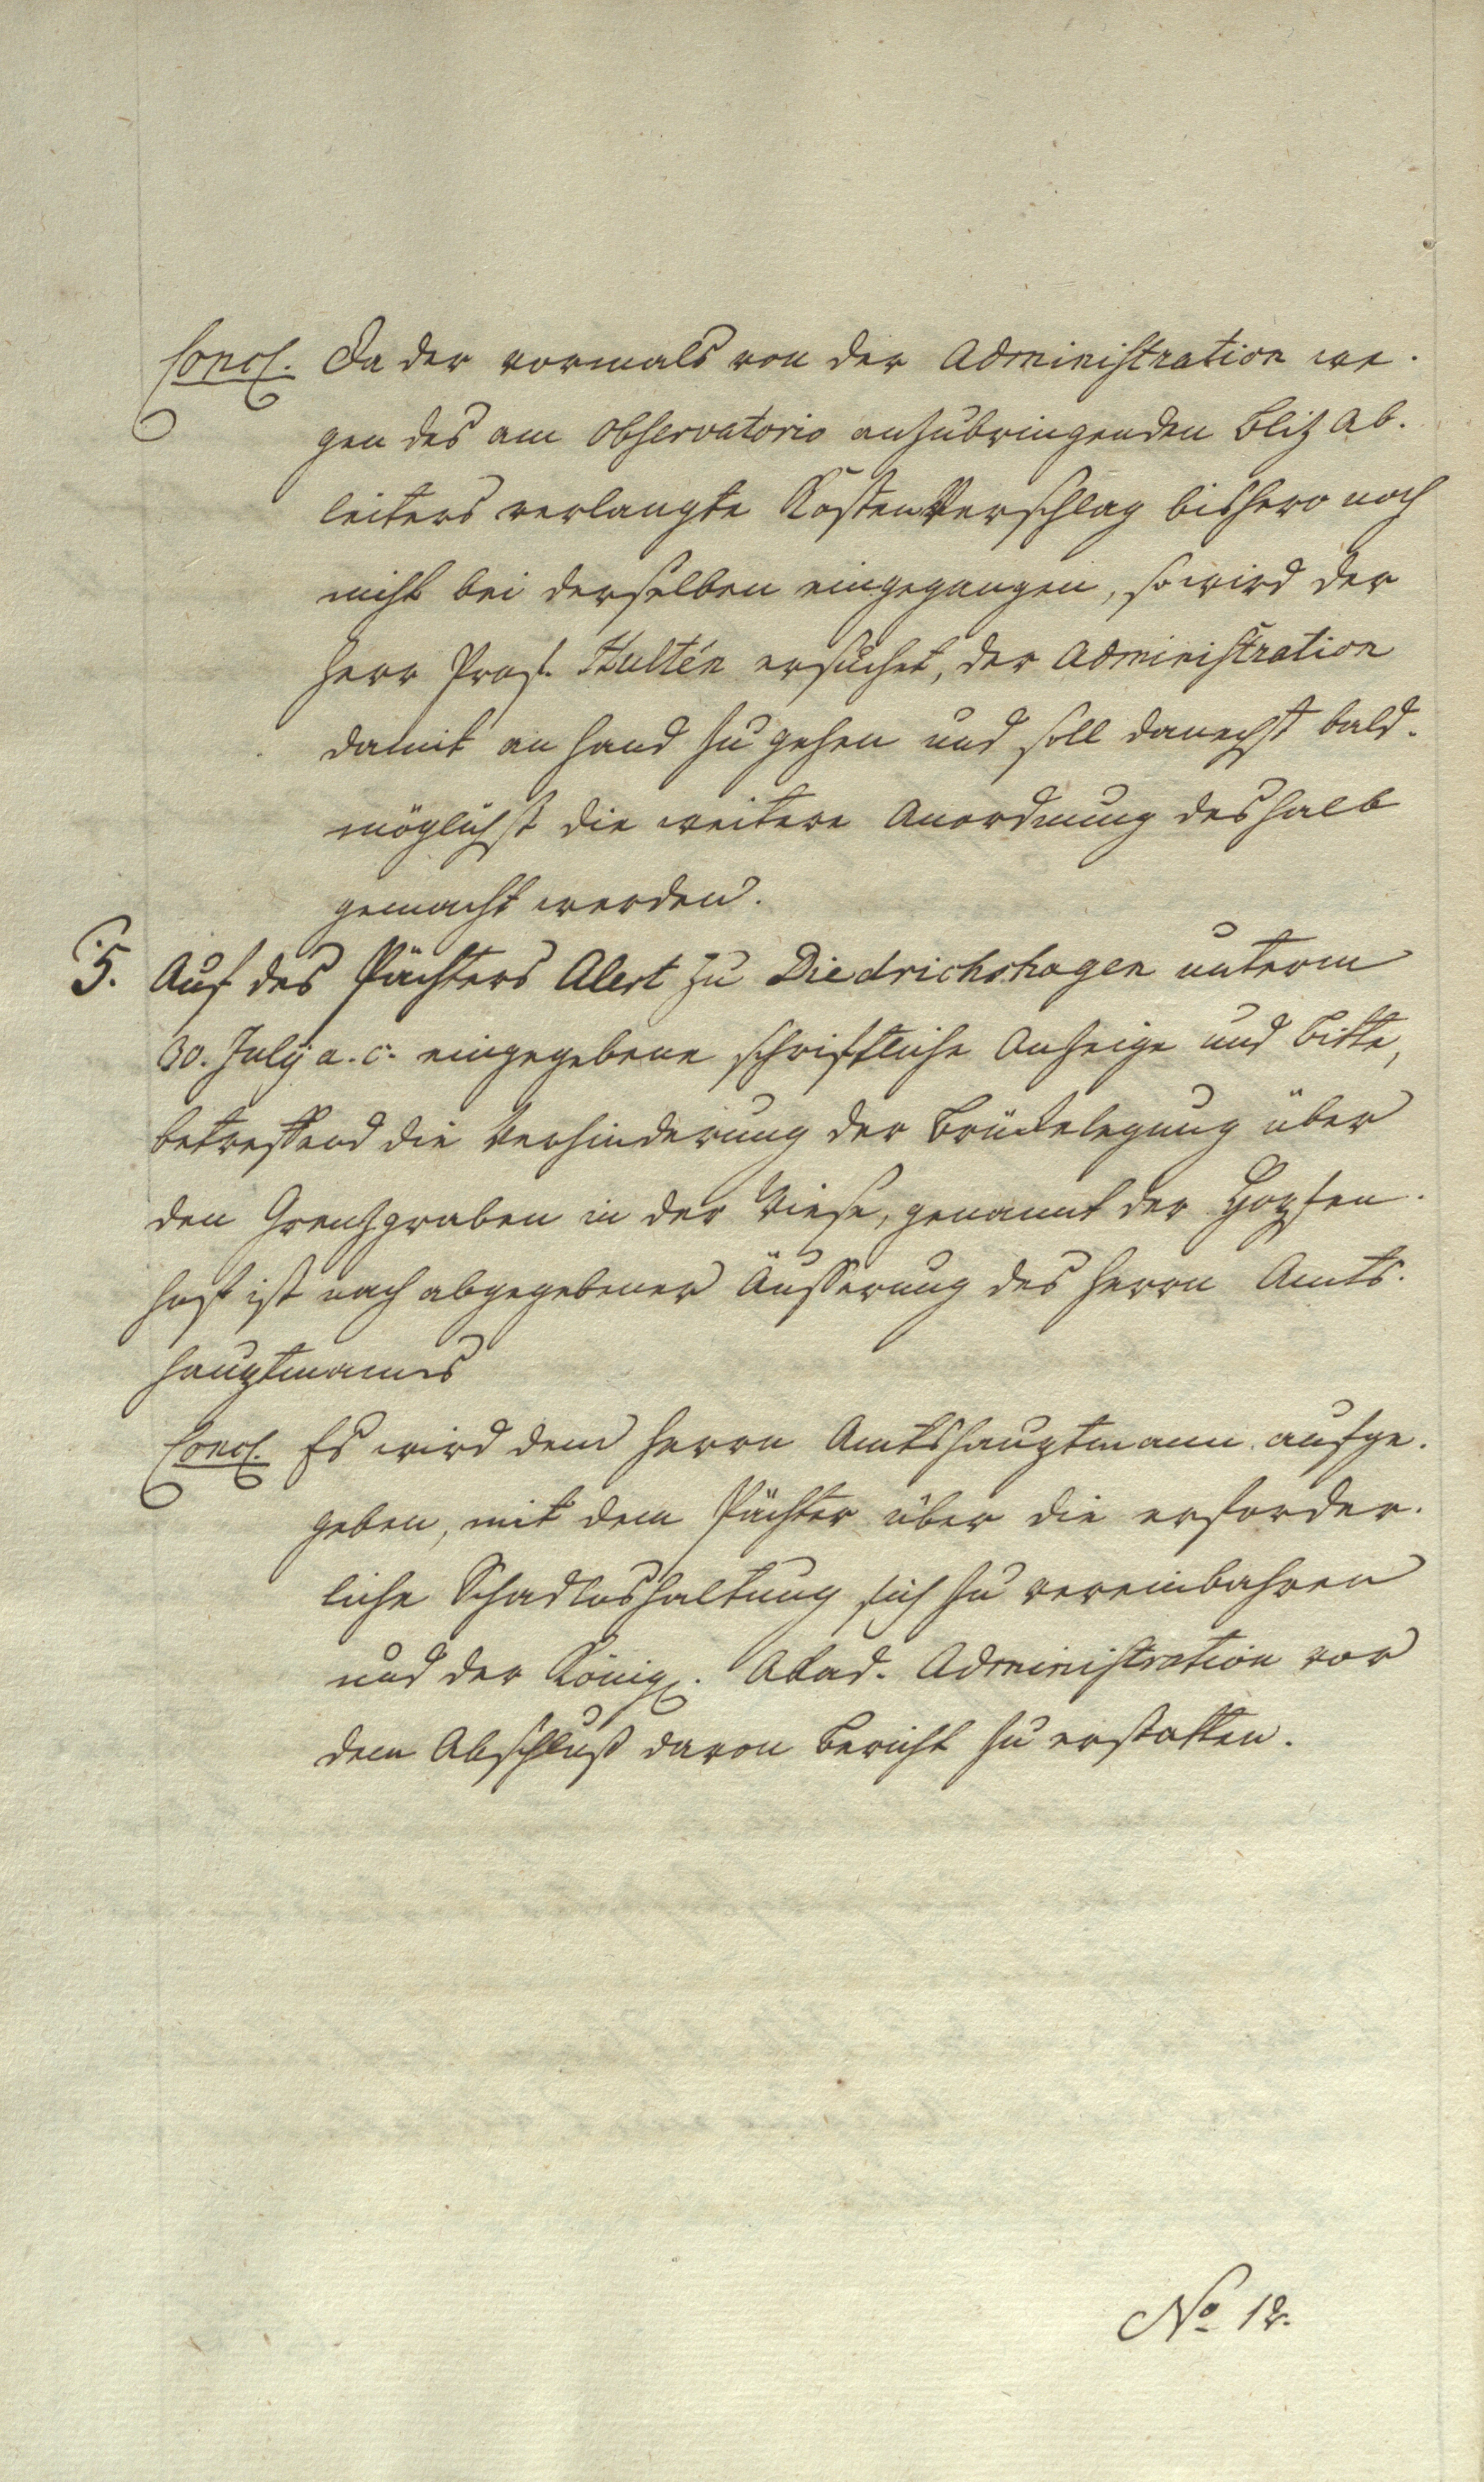Concl. Da der vormals von der Administration we¬
gen des am Observatorio anzubringenden Blizab-
leiters verlangte Kostenverschlag bishero noch
nicht bei derselben eingegangen, so wird der
Herr Prof. Hultén ersuchet, der Administration
damit an Hand zu gehen und soll danechst bald¬
möglichst die weitere Anordnung deshalb
gemacht werden.
5. Auf des Pächters Alert zu Diedrichshagen unterm
30. Julÿ a. c. eingegebene schriftliche Anzeige und Bitte,
betreffend die Verhinderung der Brückelegung über
den Grenzgraben in der Wiese, genannt der Hopfen¬
hof ist nach abgegebener Äusserung des Herrn Amts¬
hauptmanns
Concl. Es wird dem Herrn Amtshauptmann aufge¬
geben, mit dem Pächter über die erforder¬
liche Schadloshaltung sich zu vereinbahren
und der Königl. Akad. Administration vor
dem Abschluß davon Bericht zu erstatten.
No 12.